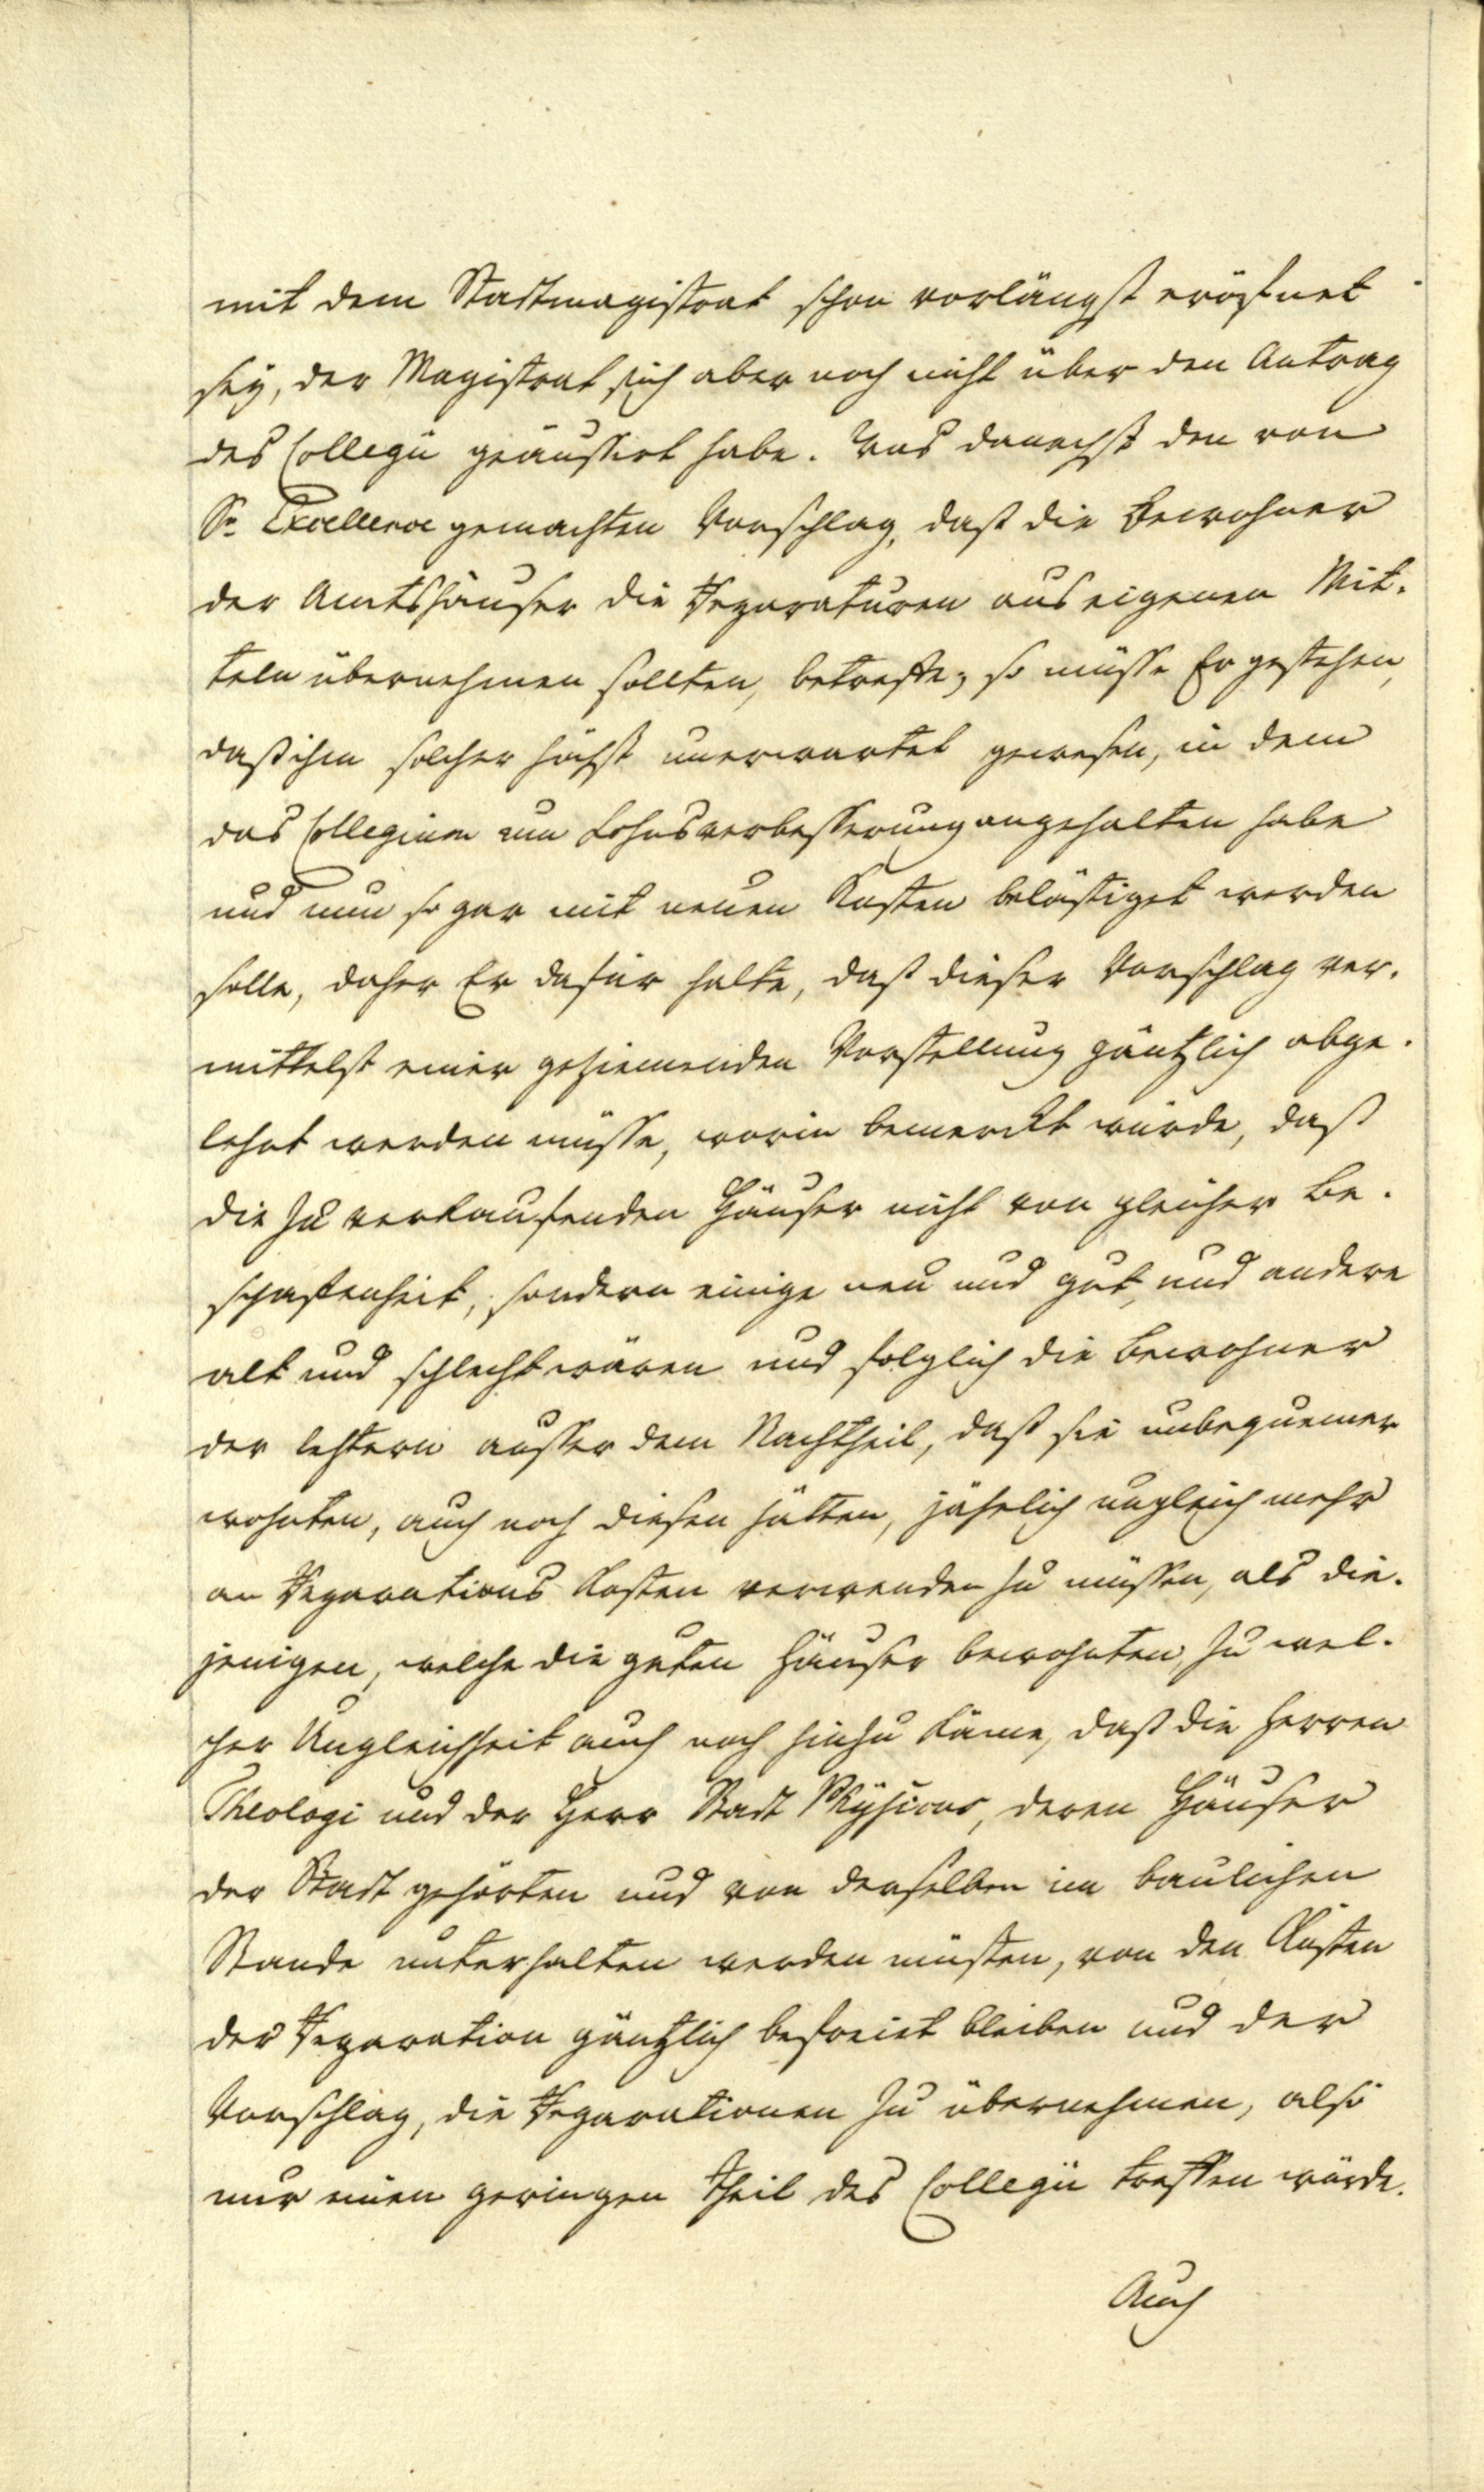mit dem Stadtmagistrat schon vorlängst eröfnet
seÿ, der Magistrat sich aber noch nicht über den Antrag
des Collegii geäussert habe. Was danechst den von
Sr Excellence gemachten Vorschlag, daß die Bewohner
der Amtshäuser die Reparaturen aus eigenen Mit¬
teln übernehmen sollten, betreffe, so müsse Er gestehen,
daß ihm solcher höchst unerwartet gewesen, in dem
das Collegium um Lohnsverbesserung angehalten habe
und nun so gar mit neuen Kosten belästiget werden
solle, daher Er dafür halte, daß dieser Vorschlag ver¬
mittelst einer geziemenden Vorstellung gäntzlich abge¬
lehnt werden müsse, worin bemerckt würde, daß
die zu verkaufenden Häuser nicht von gleicher Be¬
schafenhet, sondern einige neu und gut, und andere
als und schlecht wären und folglich die Bewohner
der leztern ausser dem Nachtheil, daß sie unbequemer
wohnten, auch noch diesen hätten, jährlich ungleich mehr
an Reparations Kosten verwenden zu müssen, als die¬
jenigen, welche die guten Häuser bewohnten, zu wel¬
cher Ungleichheit auch noch hinzu käme, daß die Herren
Theologi und der Herr Stadt Phÿsikus, deren Häuser
der Stadt gehörten und von derselben im baulichen
Stande unterhalten werden müßten, von den Kosten
der Reparation gäntzlich befreiet bleiben und der
Vorschlag, die Reparationen zu übernehmen, also
nur einen geringen Theil des Collegii treffen würde.
Auch